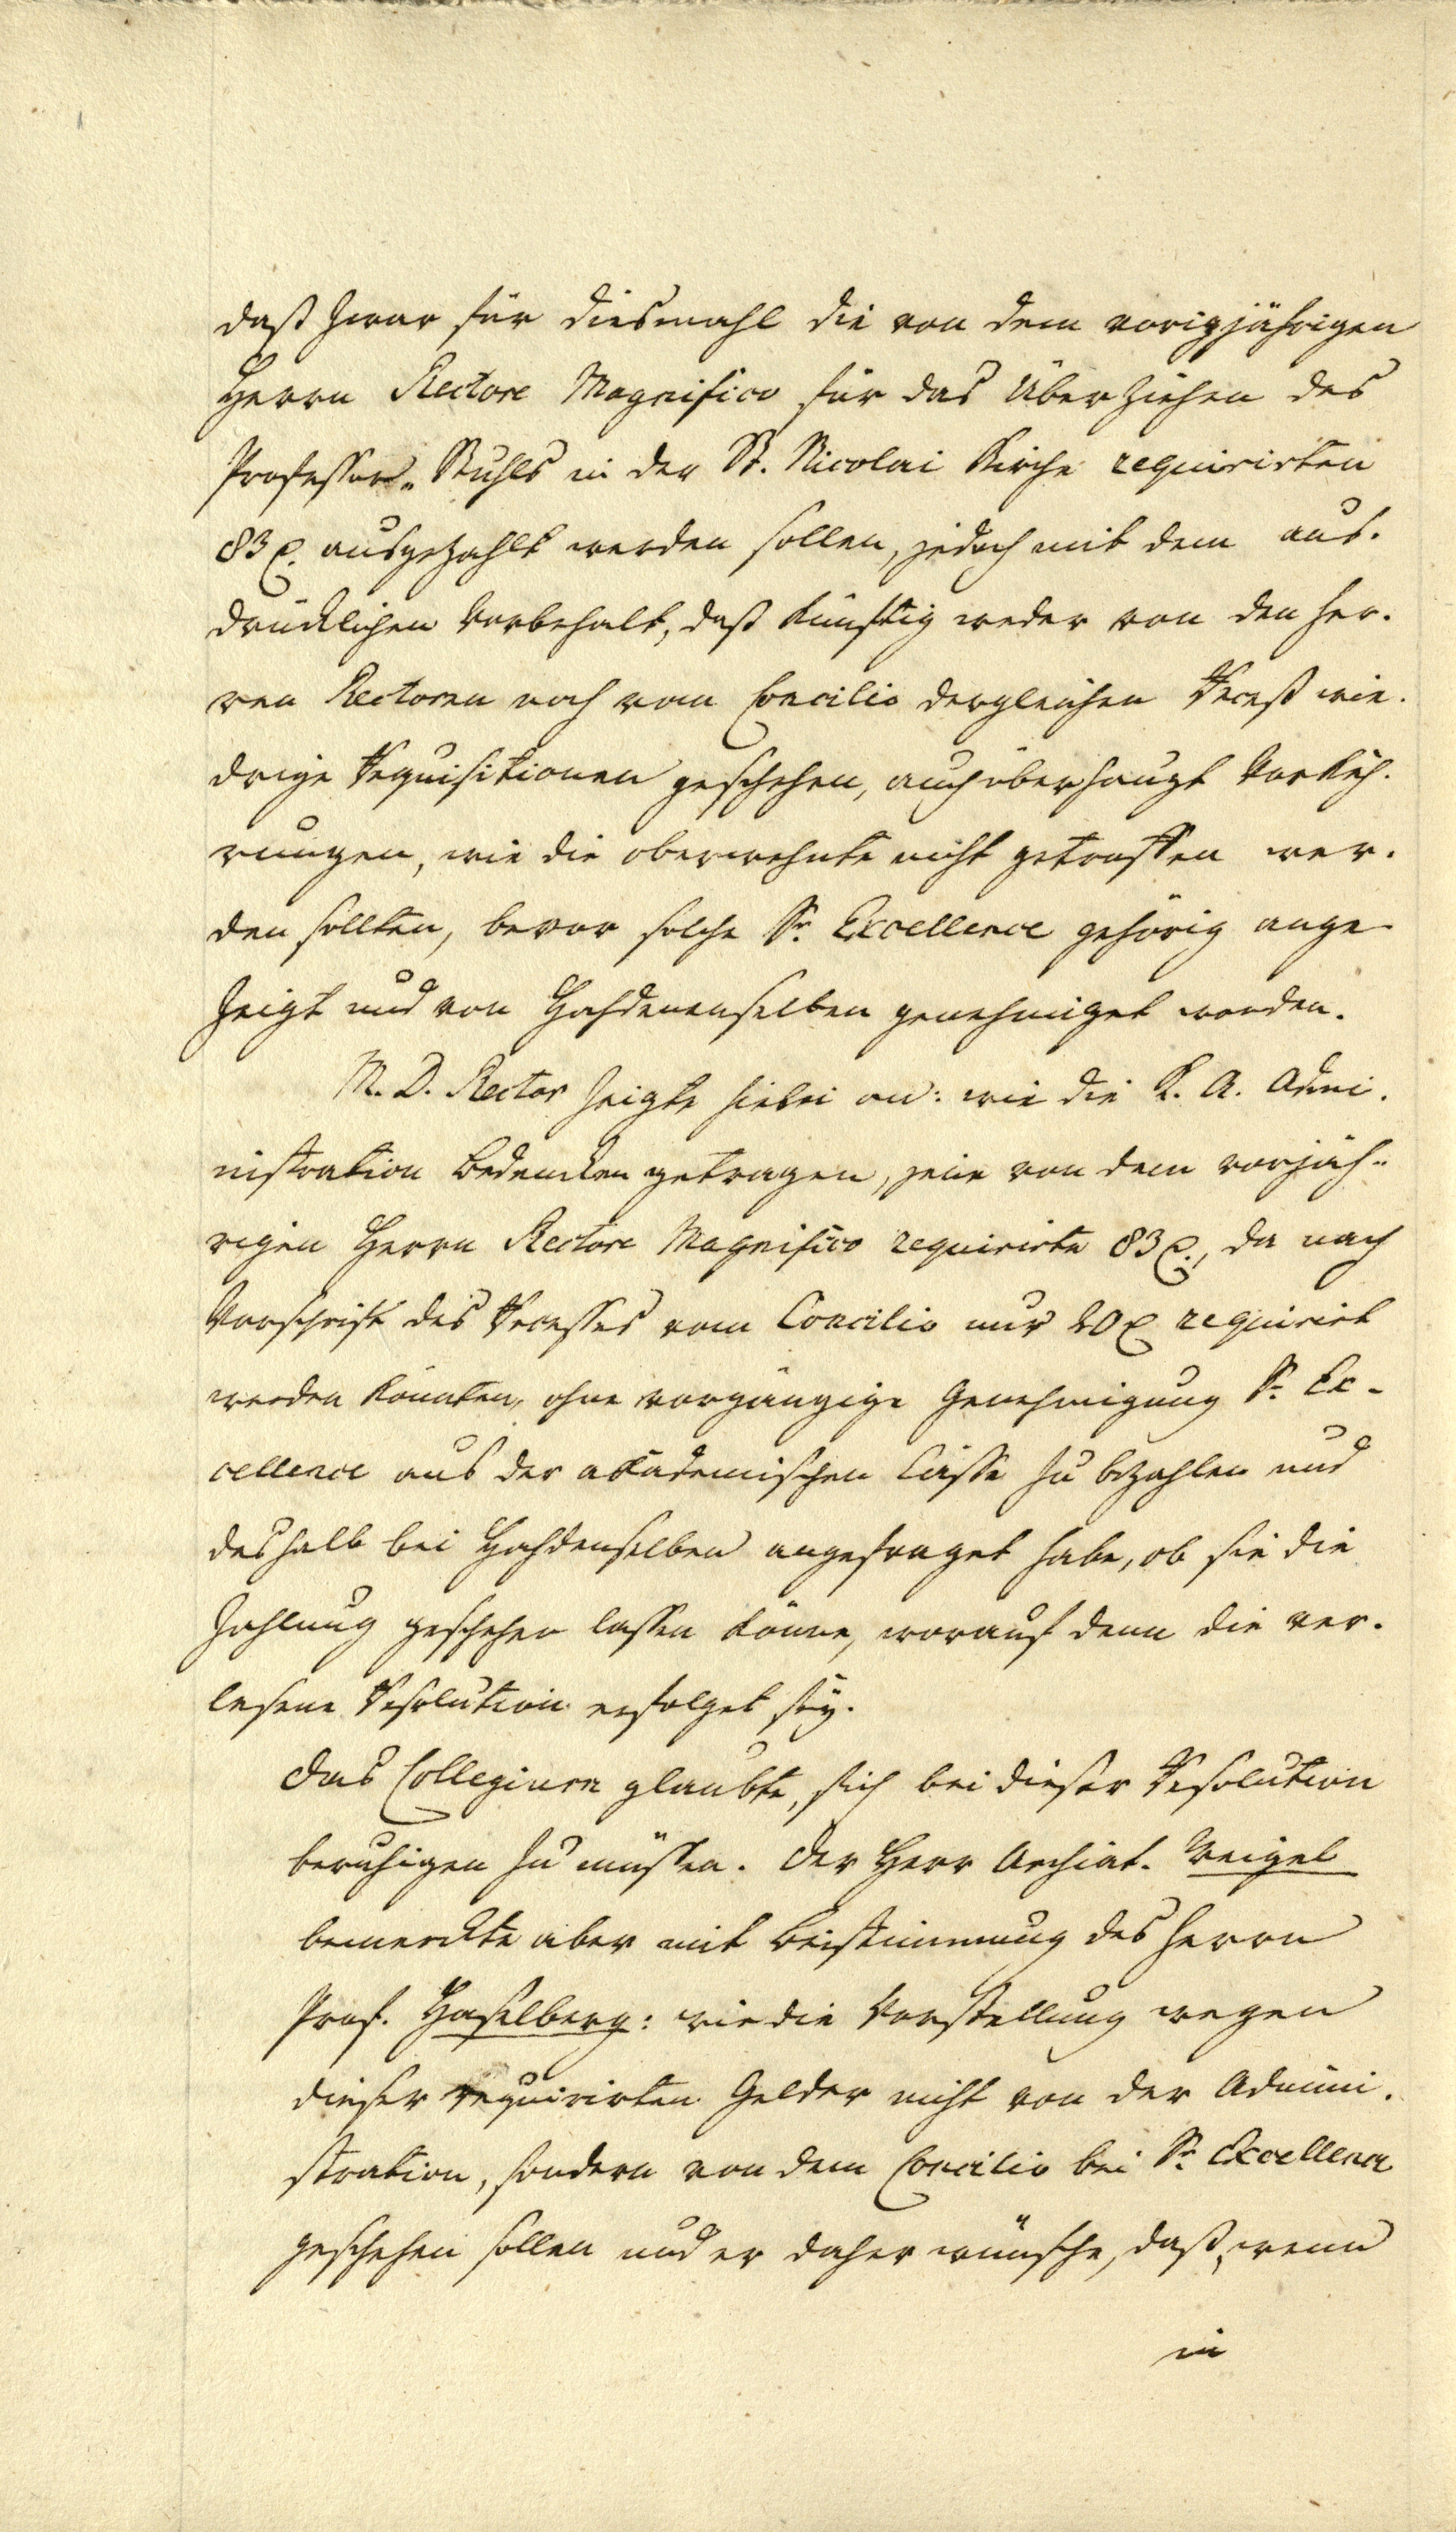daß zwar für diesmahl dievon dem vorigjährigen
Herrn Rectore Magnifico für das Überziehen des
Professoren Stuhls in der St. Nicolai Kirche requirirten
83 l. ausgezahlt werden sollen, jedoch mit dem aus¬
drücklichen Vorbehalt, daß künftig weder von den her¬
ren Rectoren noch vom Concilio dergleichen Receß wie¬
drige Requisitionen geschehen, auch überhaupt Vorkeh¬
rungen, wie die oberwehnte nicht getroffen wer¬
den sollten, bevor solche Sr. Excellence gehörig ange¬
zeigt und von Hochdenenselben genehmiget worden.
M. D. Rector zeigte hiebei an: wie die K. A. Admi¬
nistration Bedencken getragen, jene von dem vorjäh¬
rigen Herrn Rectore Magnifico requirirte 83 l., da nach
Vorschrift des Recesses vom Concilio nur 20 l. requirirt
werden könnten, ohne vorgängige Genehmigung Sr. Ex¬
cellence aus der akademischen Casse zu bezahlen und
deshalb bei Hochdenselben angefraget habe, ob sie die
Zahlung geschehen lassen könne, worauf denn die ver¬
lesene Resolution erfolget seÿ.
Das Collegium glaubte, sich bei dieser Resolution
beruhigen zu müssen. Der Herr Archiat. Weigel
bemerckte aber mit Beistimmung des herrn
Prof. Haselberg: wie die Vorstellung wegen
dieser requirirten Gelder nicht von der Admini¬
stration, sondern von dem Concilio bei Sr. Excellence
geschehen sollen und er daher wünsche, daß wenn
in